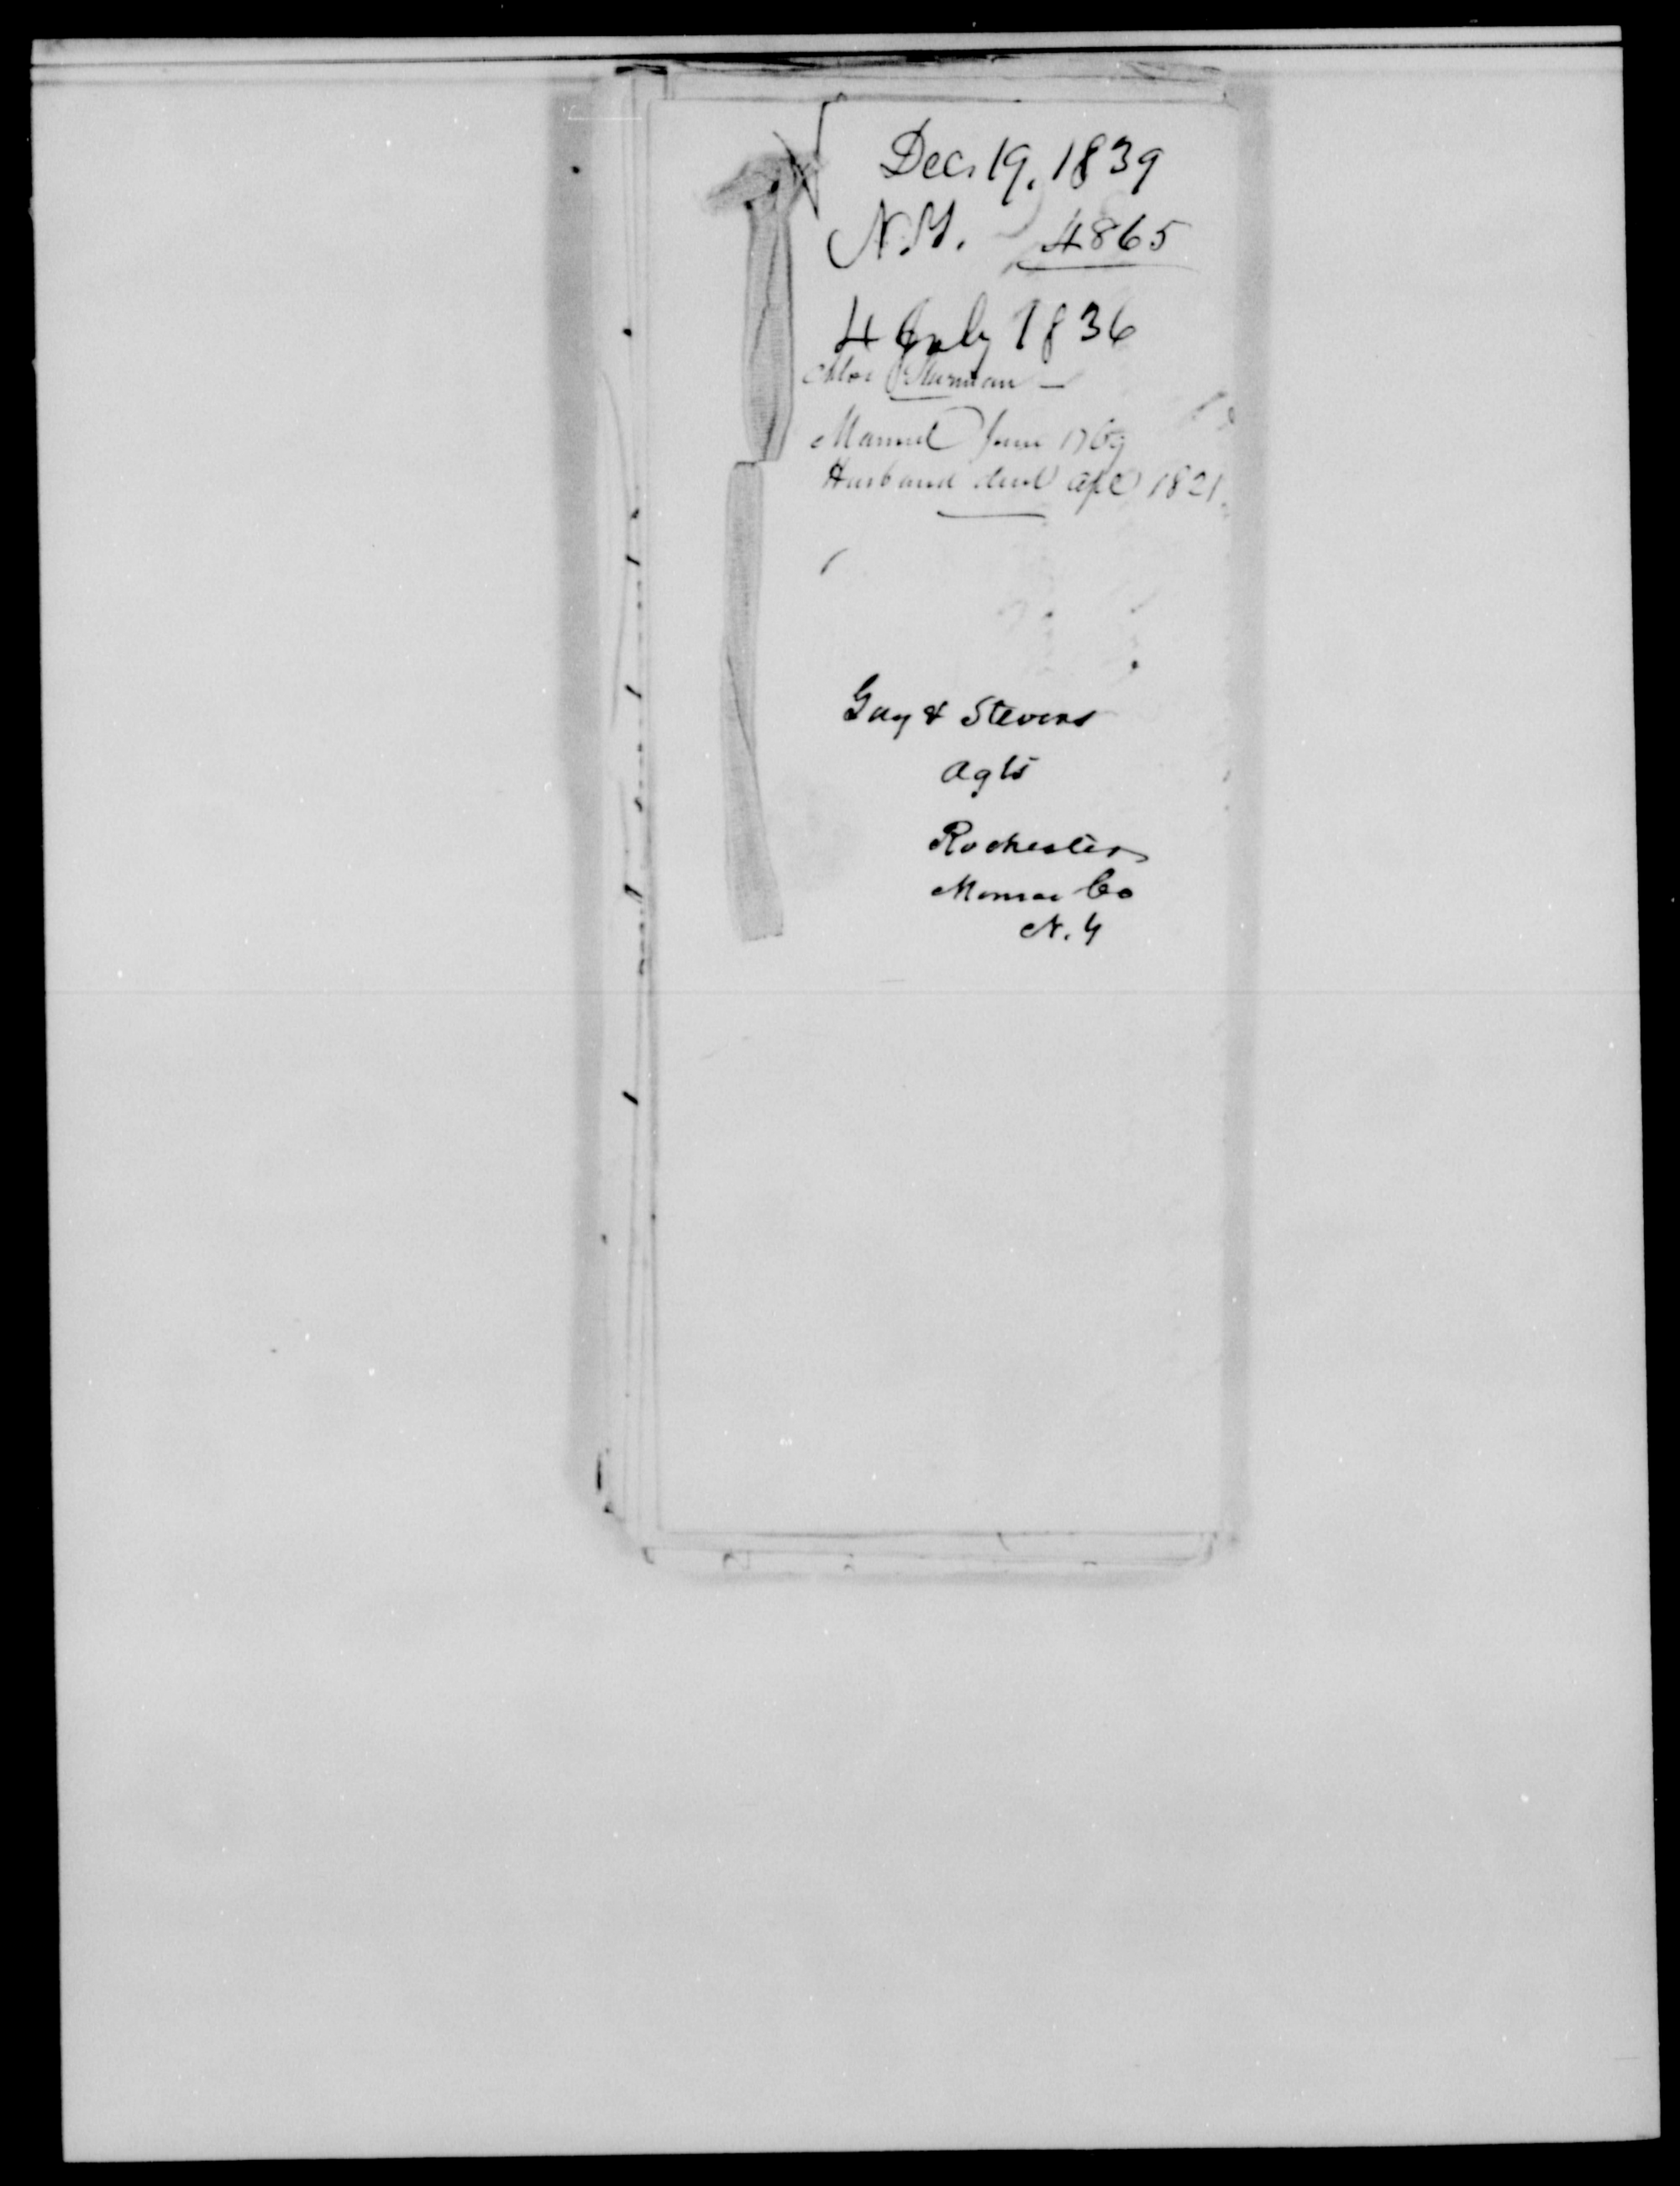Dec. 19, 1839
N. Y. 4865
4 July 1836
Chloe Sherman -
Married June 1769
Husband died Apr 1821
-----

Guy & Stevens
Agts
Rochester
Monroe Co
N.Y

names: [BLANK] Stevens; [BLANK] Gay; Chloe Sherman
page: 5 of 52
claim: rejected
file: R. 9493, for George Sherman, Vermont